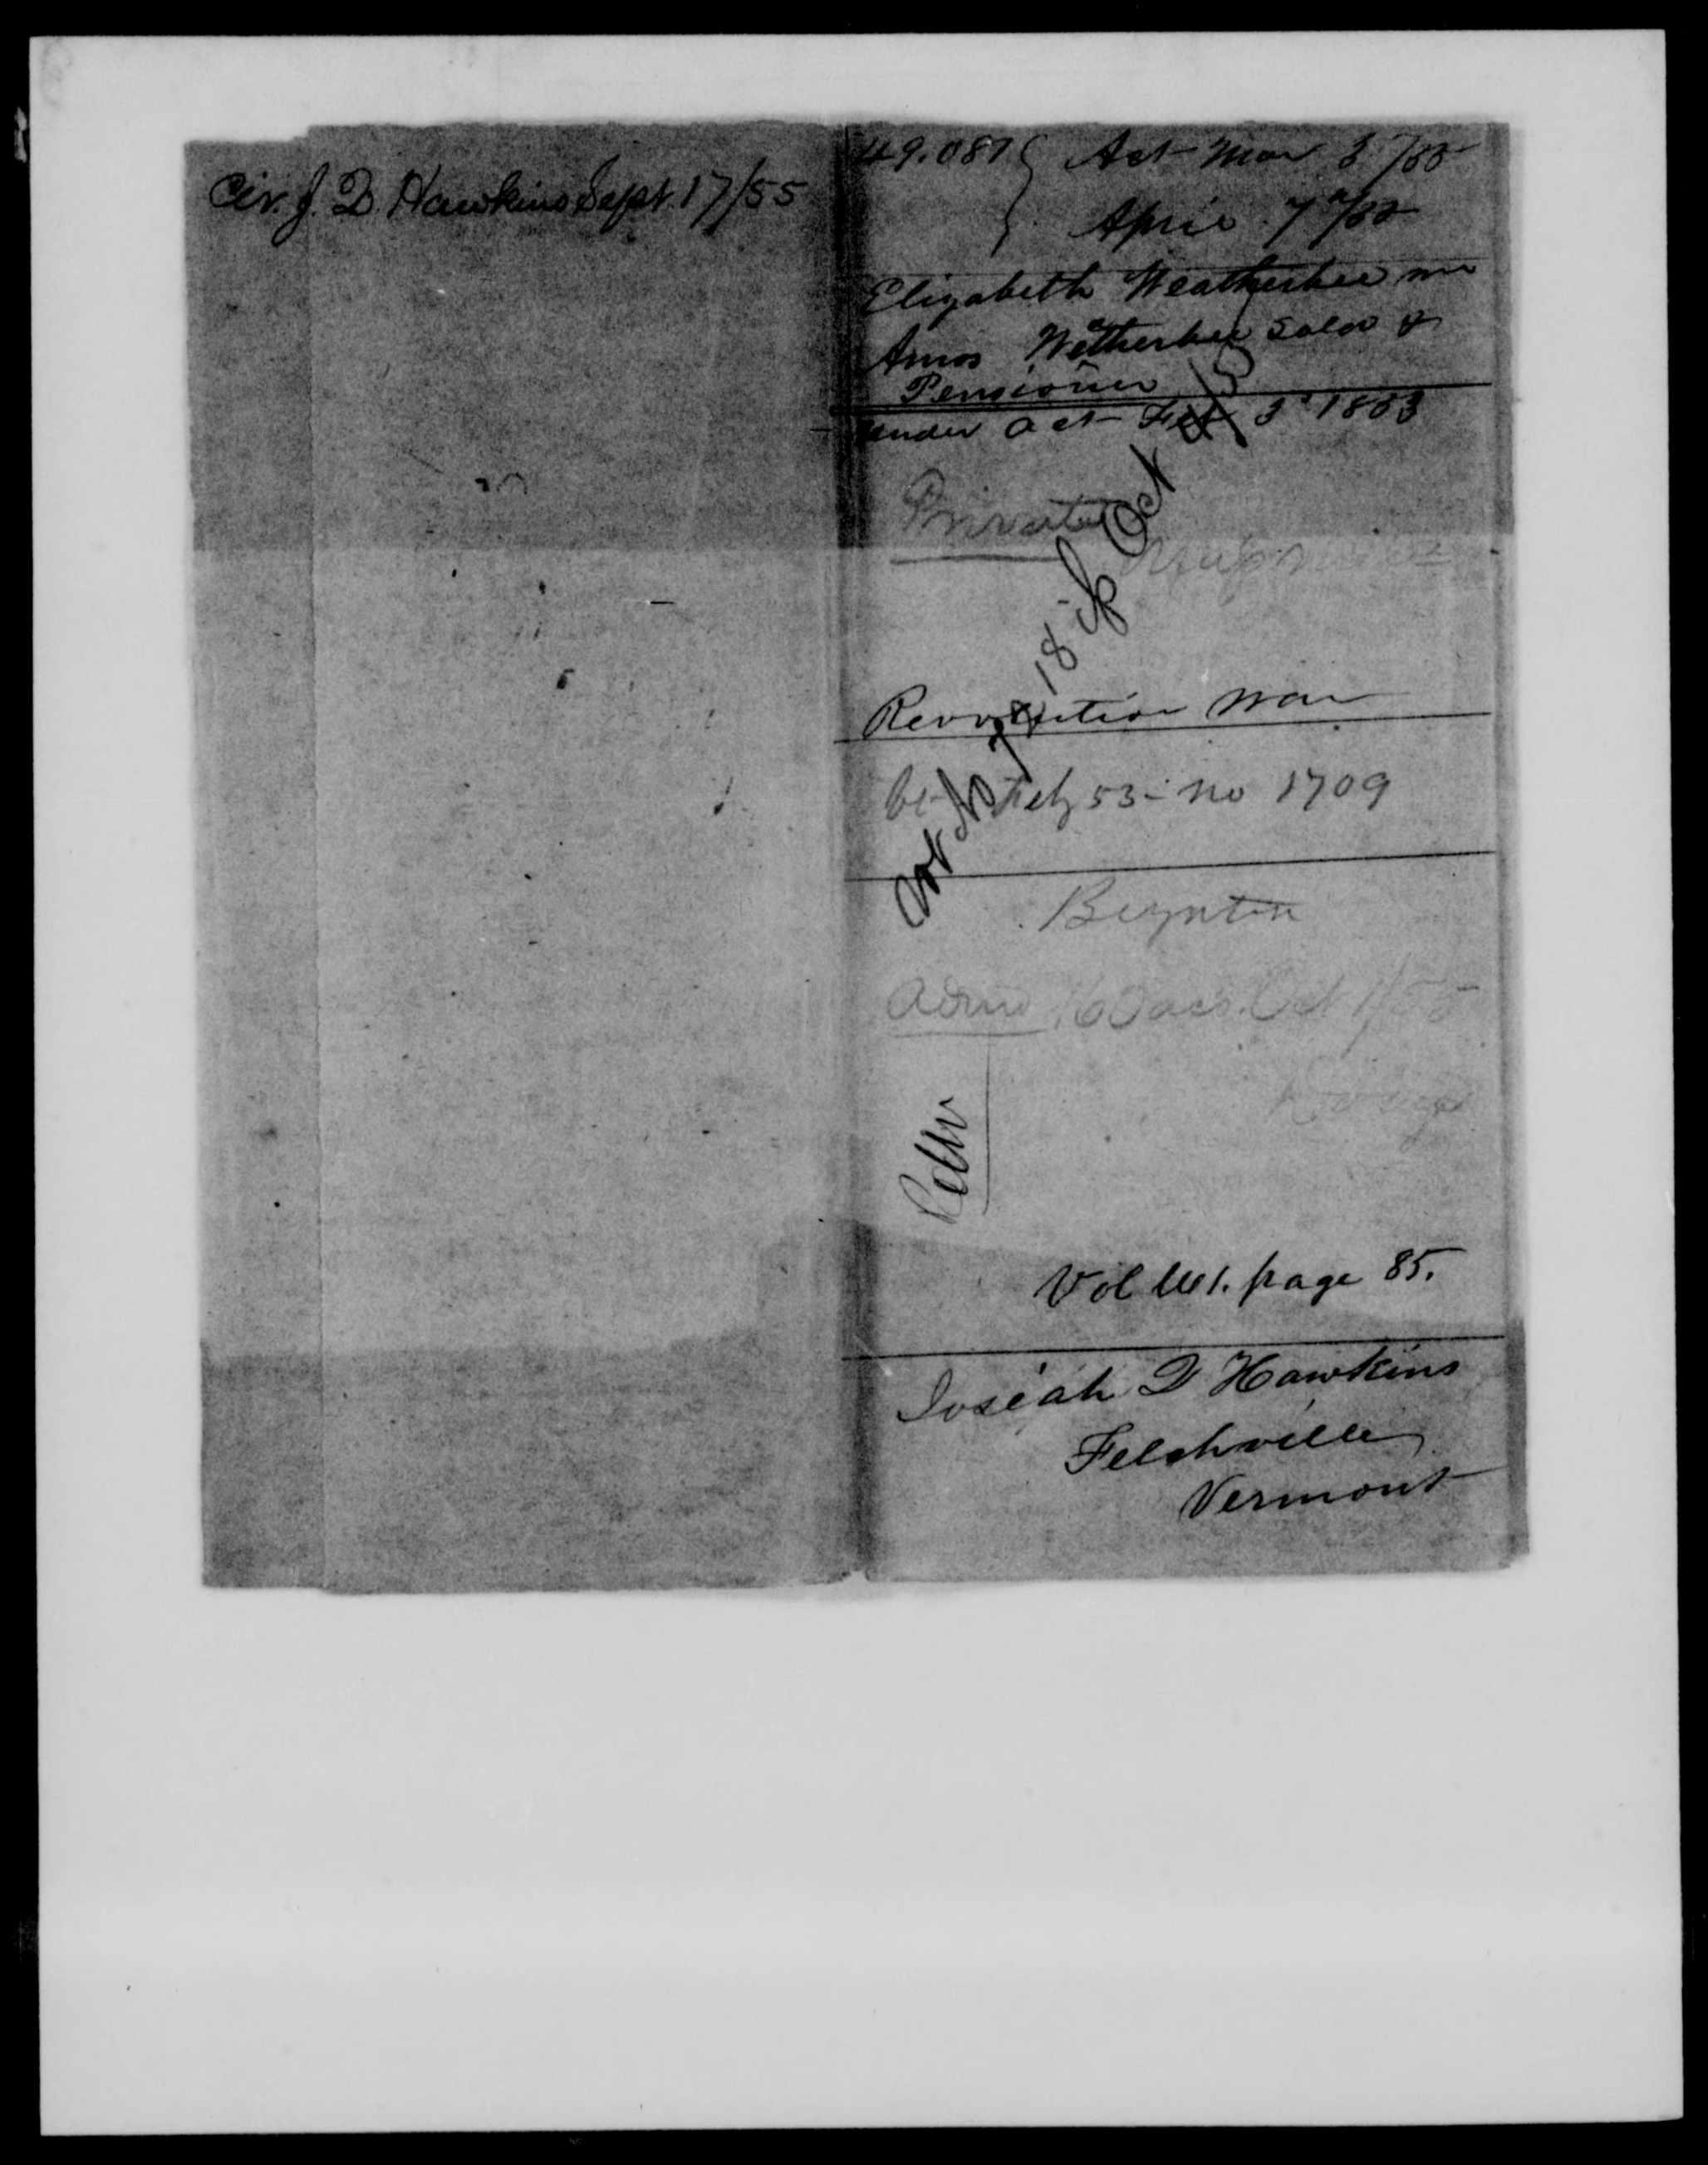Cer. J. Q. Hawkins Sept. 17/55

49.087 Act Mar 3 / 38
Aril 7 /32
Elizabeth Weatherbee wid
Amos Wetherbee sold. & pensioner
under Act Feb 2 1853
Private
Revolution. War
Feby. 53-no 1709
Boynton
Adm. 160 acs. Oct 1/55
Vol W1 page 85
Josiah Q Hawkins
Felchville, 
Vermont

(written across above)
Crt No 7218 iss. Oct. 4/55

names: Amos Wetherbee, Boynton, Josiah Q Hawkins, Elizabeth Weatherbee, Dodge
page: 2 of 66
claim: widow's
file: W. 2468, Amos Wetherbee, Mass.